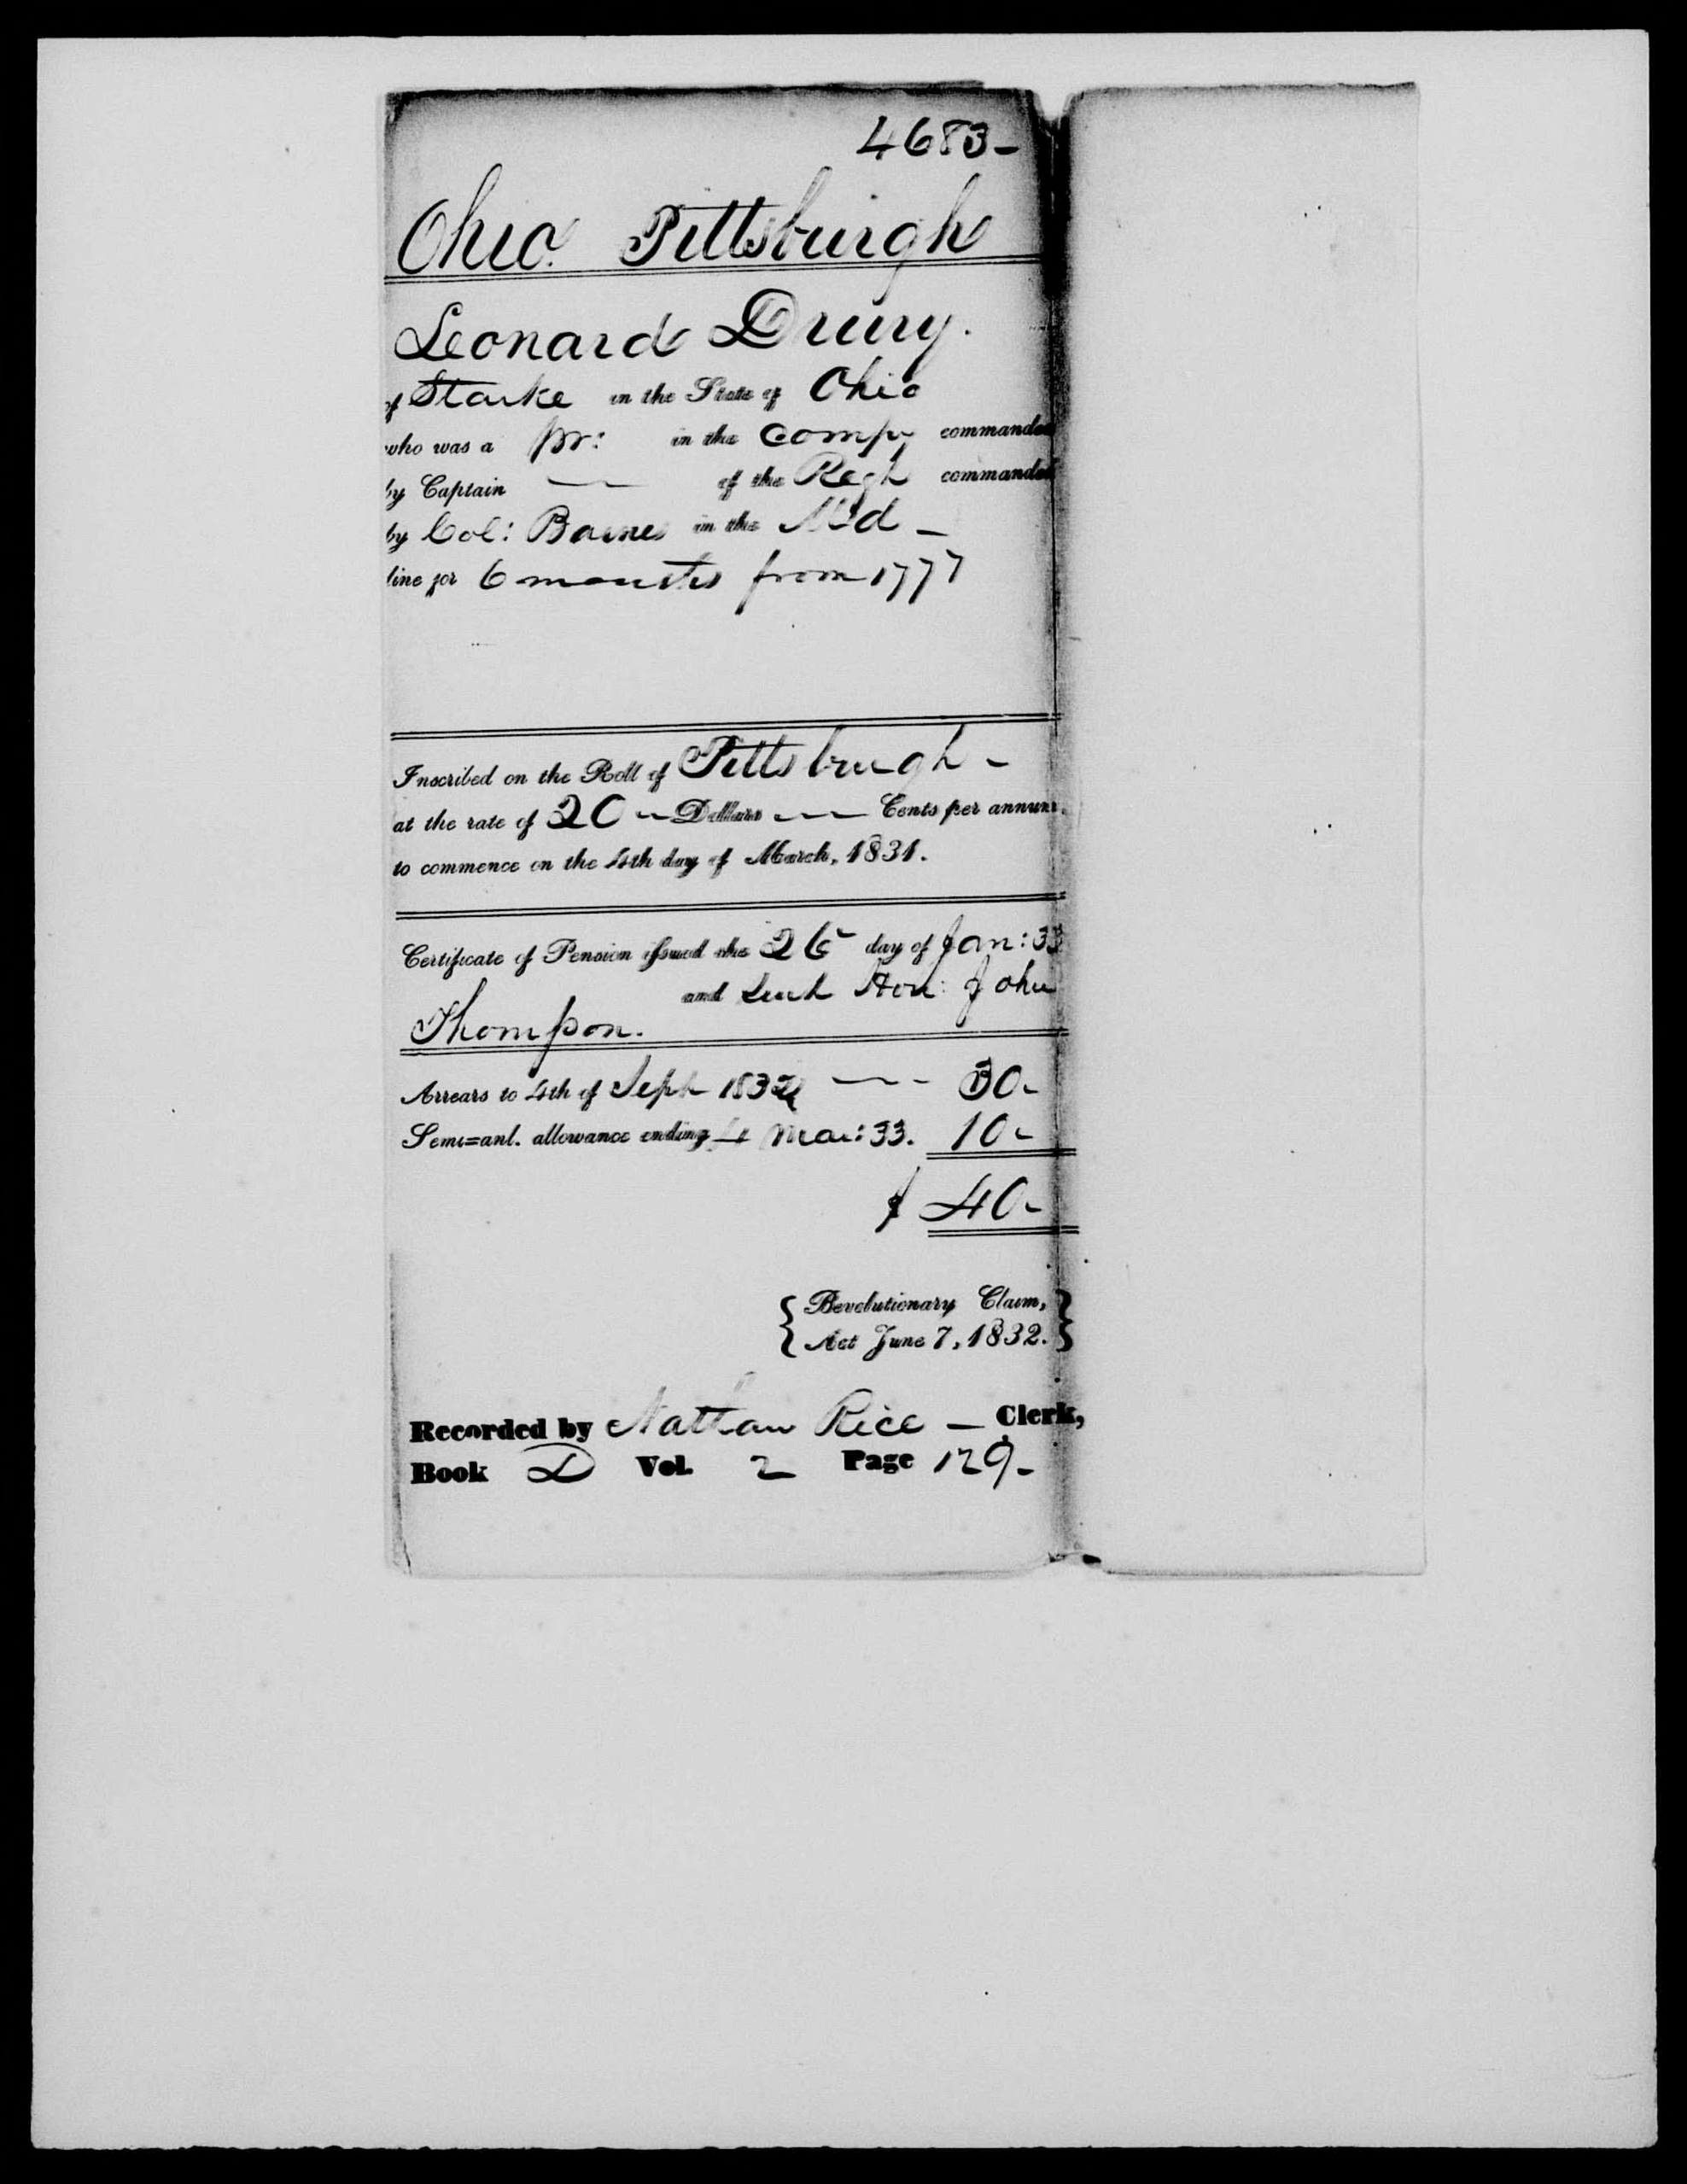4683
Ohio Pittsburgh
Leonard Drury
of Starke in the State of Ohio
who was a Pri in the company commanded
by Captain blank of the regt commanded
by Col Barnes in the Md line for 6 months from 1777

Inscribed on the roll of Pittsburgh at the rate of 20 dollars blank cents per annum to commence on the 4th day of March, 1831.

Certificate of Pension issued the 26 day of Jan 1833 and sent Hon. John Thompson

Arrears to 4th of Sept 1832 $30.00
Semi-annl allowance ending 4 Mar 33 $10.00
$40.00

{Revolutionary Claim Act June 7, 1832}

Recorded by Nathan Rice - Clerk
Bood D Vol 2 Page 129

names: Leonard Drury, Barnes, Nathan Rice, John Thompson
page: 2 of 9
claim: survivor's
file: S. 2183, Leonard Drury, Md.